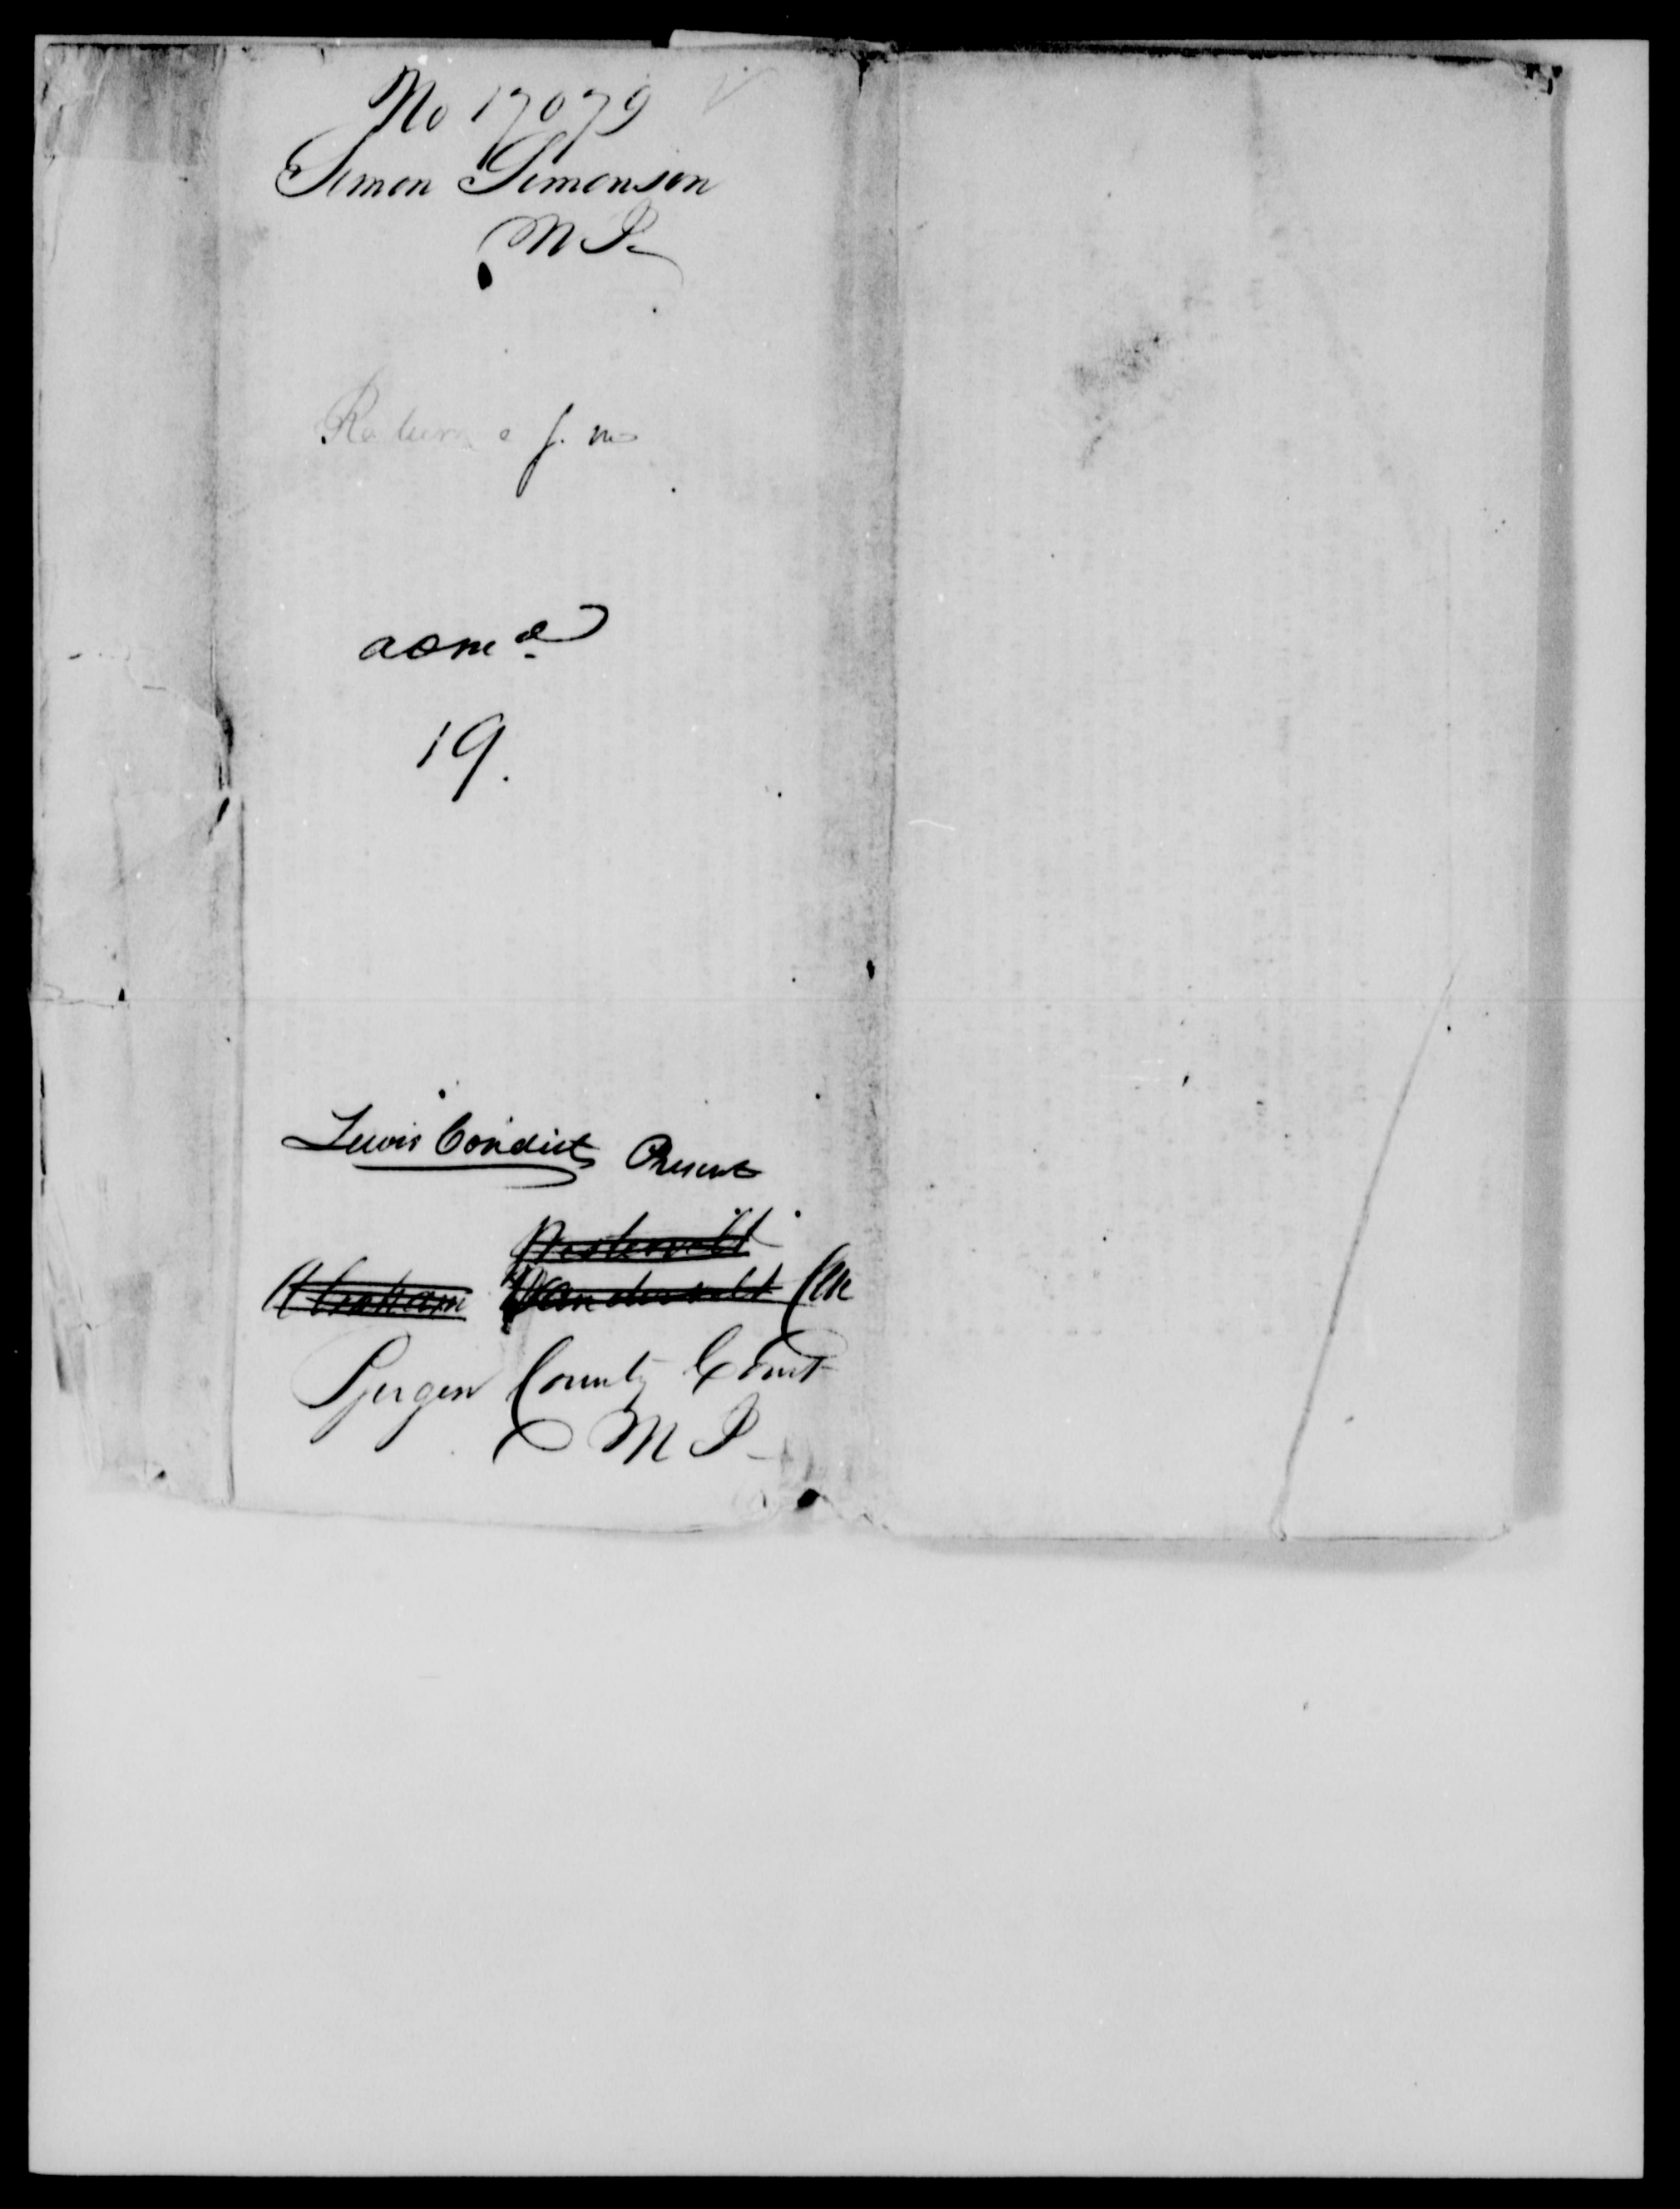No 17079
Simon Simonson
[initials] MP
Return [initials] J. M.
aomd ["d" is superscripted]
19.
Lewis Condict Present
["Abraham Vandervelt" and then "Westervill" crossed out] Clk
Bergen County Court [initials] MP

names: Simon Simonson; Lewis Condict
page: 7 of 30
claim: survivor's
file: S. 1104, for Simon Simonson, New Jersey